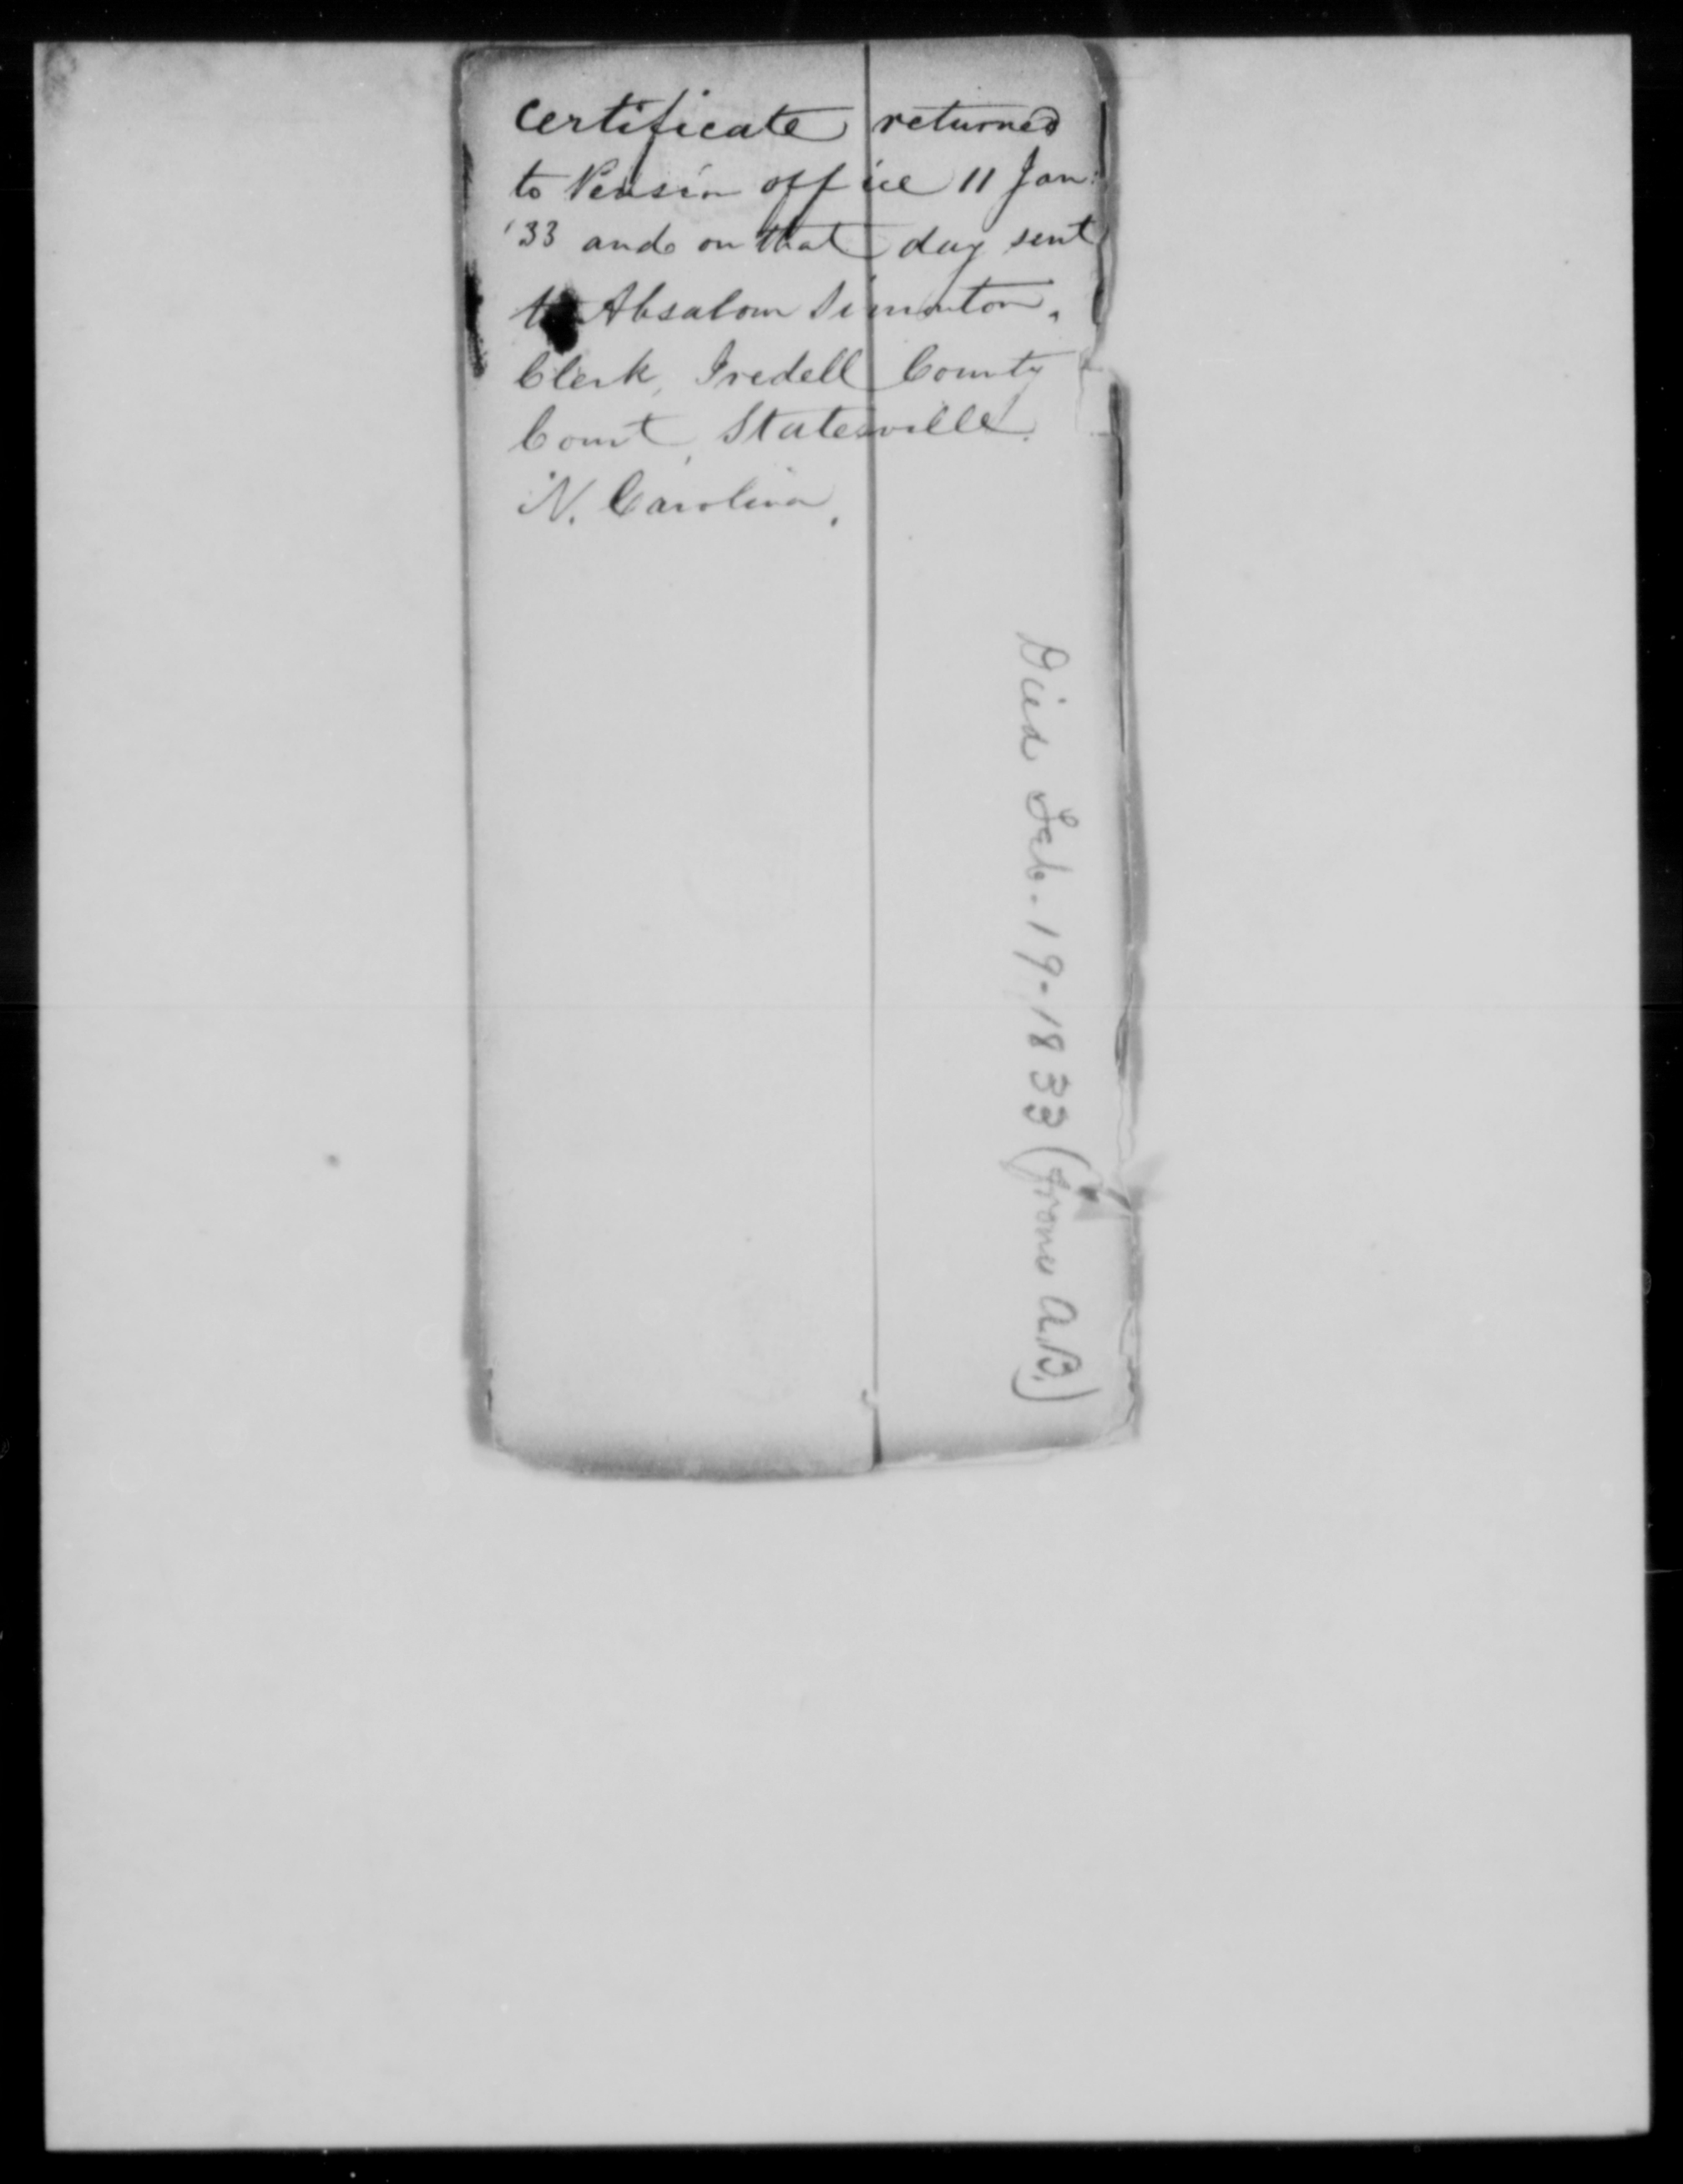Certificate returned to Pension office II Jan:
'33 and on that day sent to Absalom Simonton,
Clerk, Iredell County Court, Statesville, N. Carolina
Died Feb-19-1833 (Frone A.B.)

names: Absalom Simonton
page: 3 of 13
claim: survivor's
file: S. 7944, Samuel Wilson, N.C.